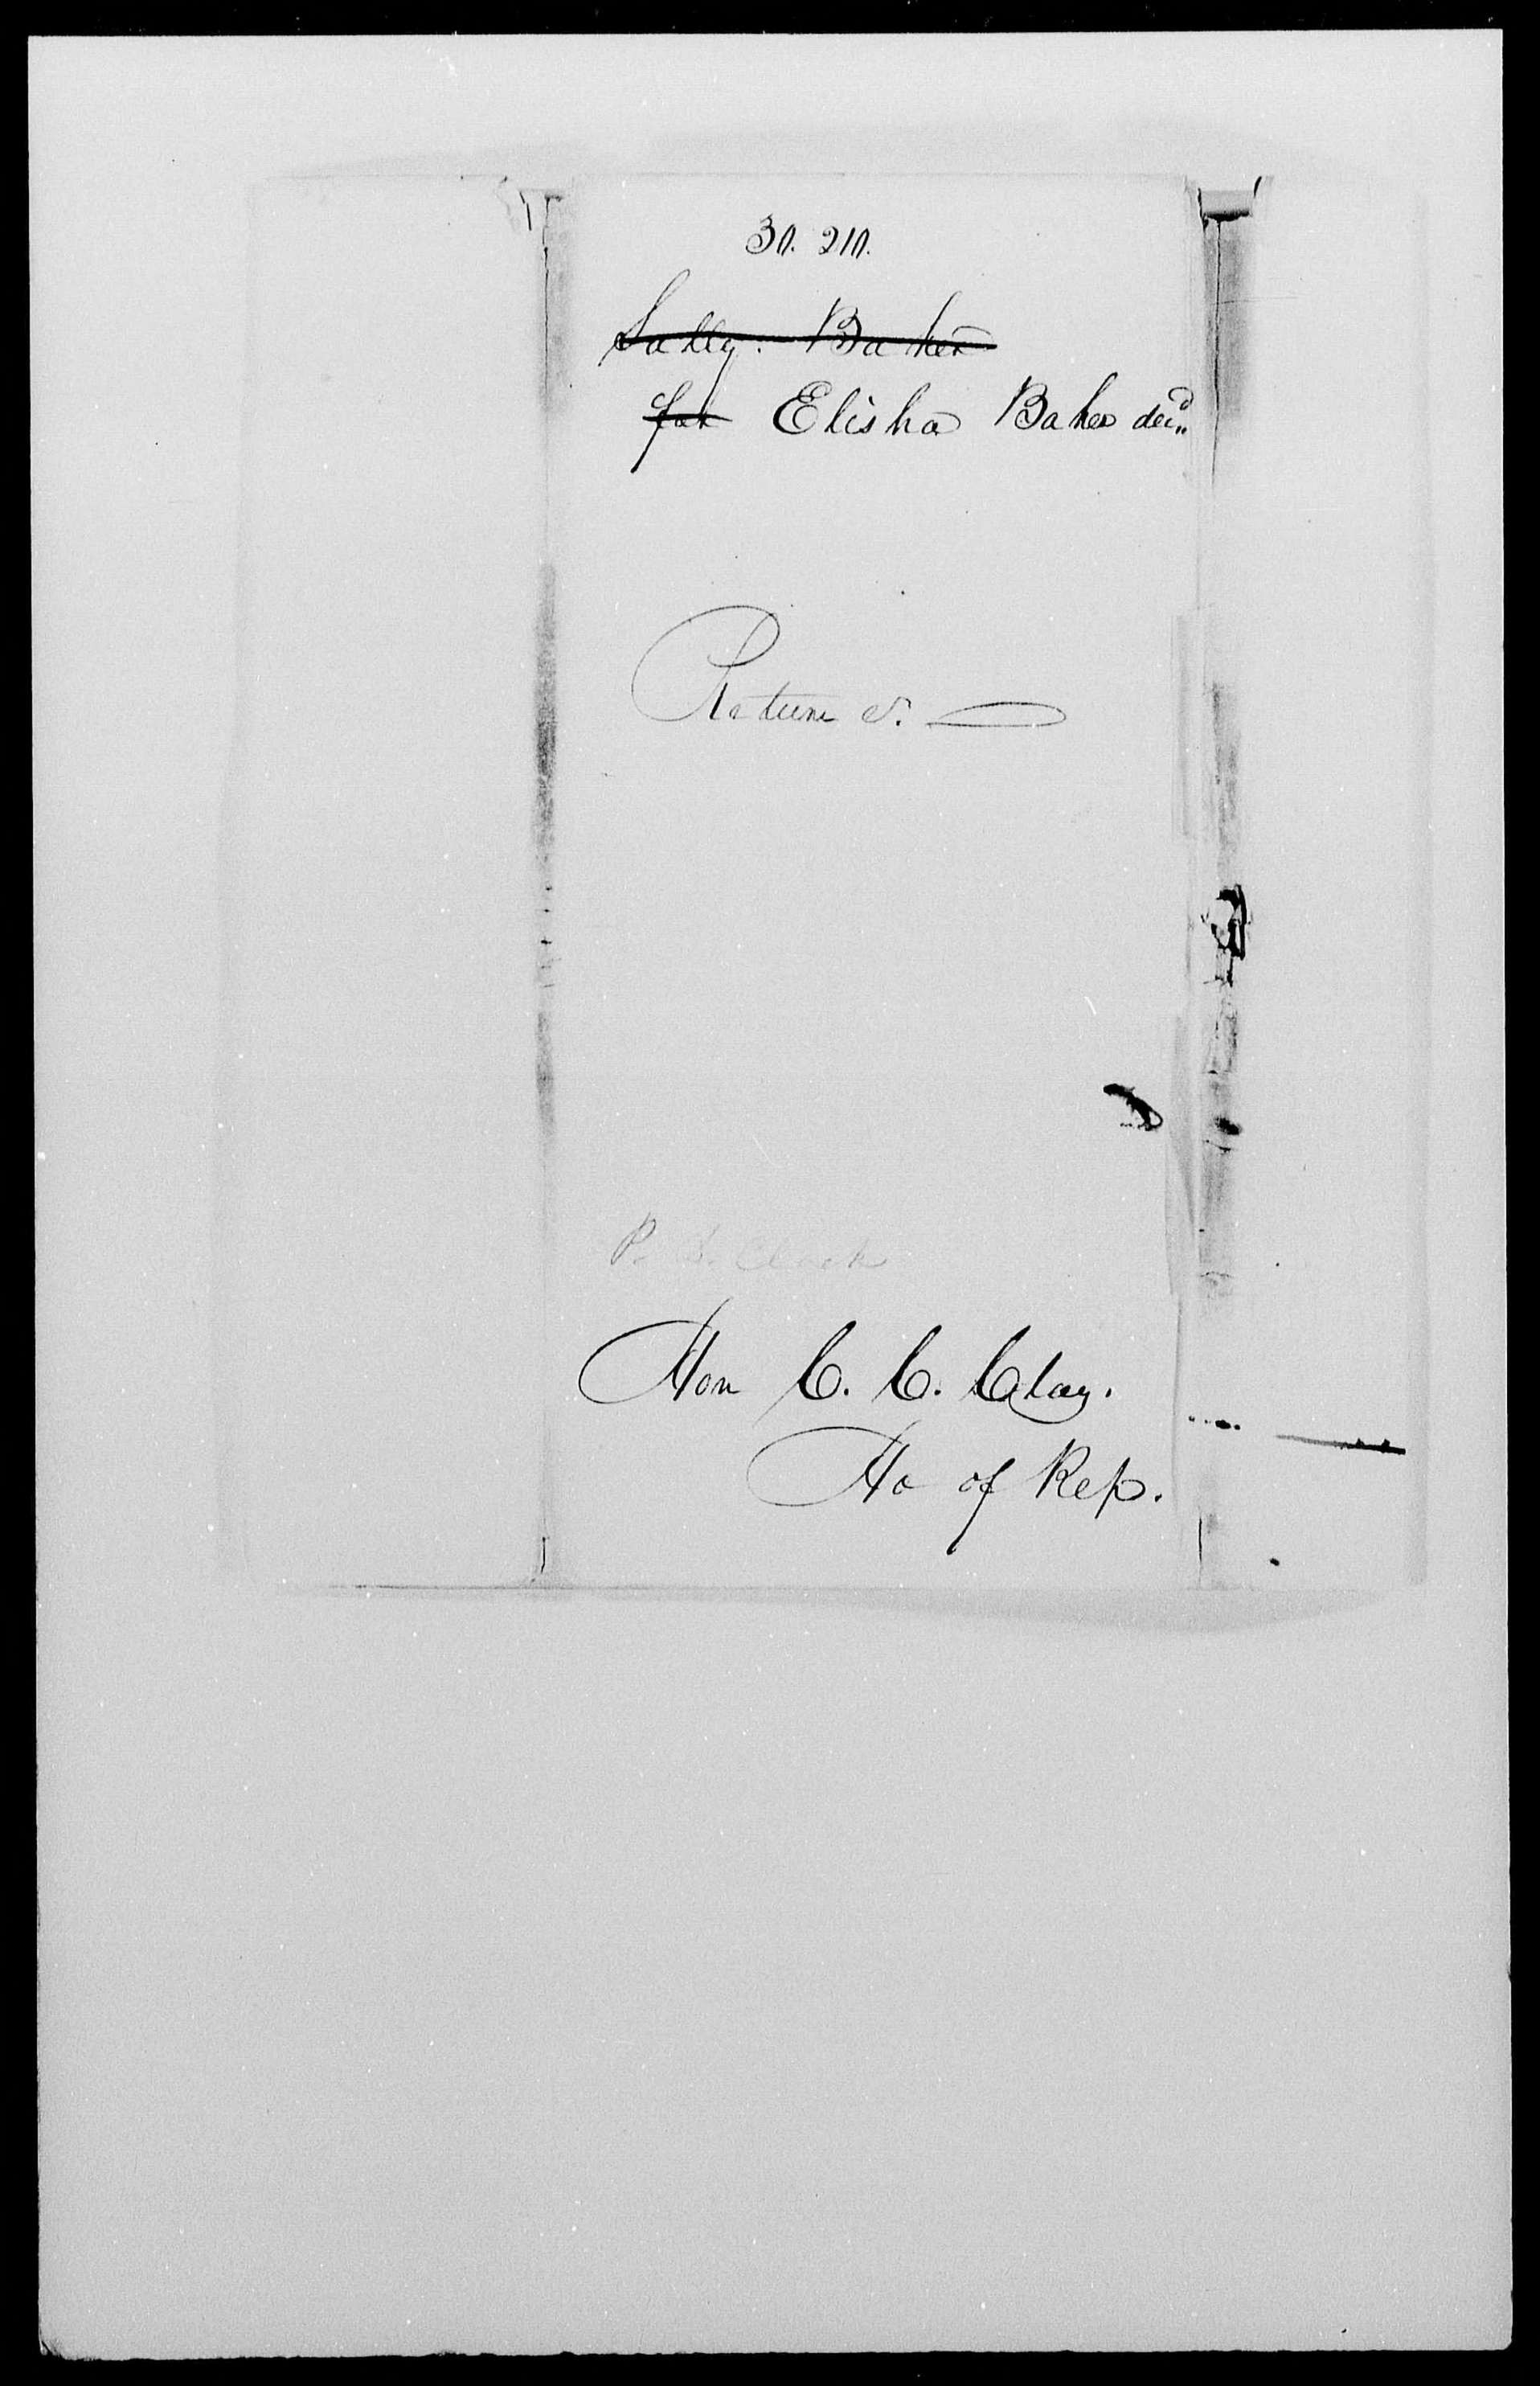30210
^Sally Baker for^ [crossed through]
Elisha Baker dec'd
Returned
P.S. Clerk
Hon C.C. Clay, 
Ho of Rep.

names: Elisha Baker, P D Clack, C C Clay, Sally Baker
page: 6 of 22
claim: rejected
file: R. 411, Elisha Baker, N.C.